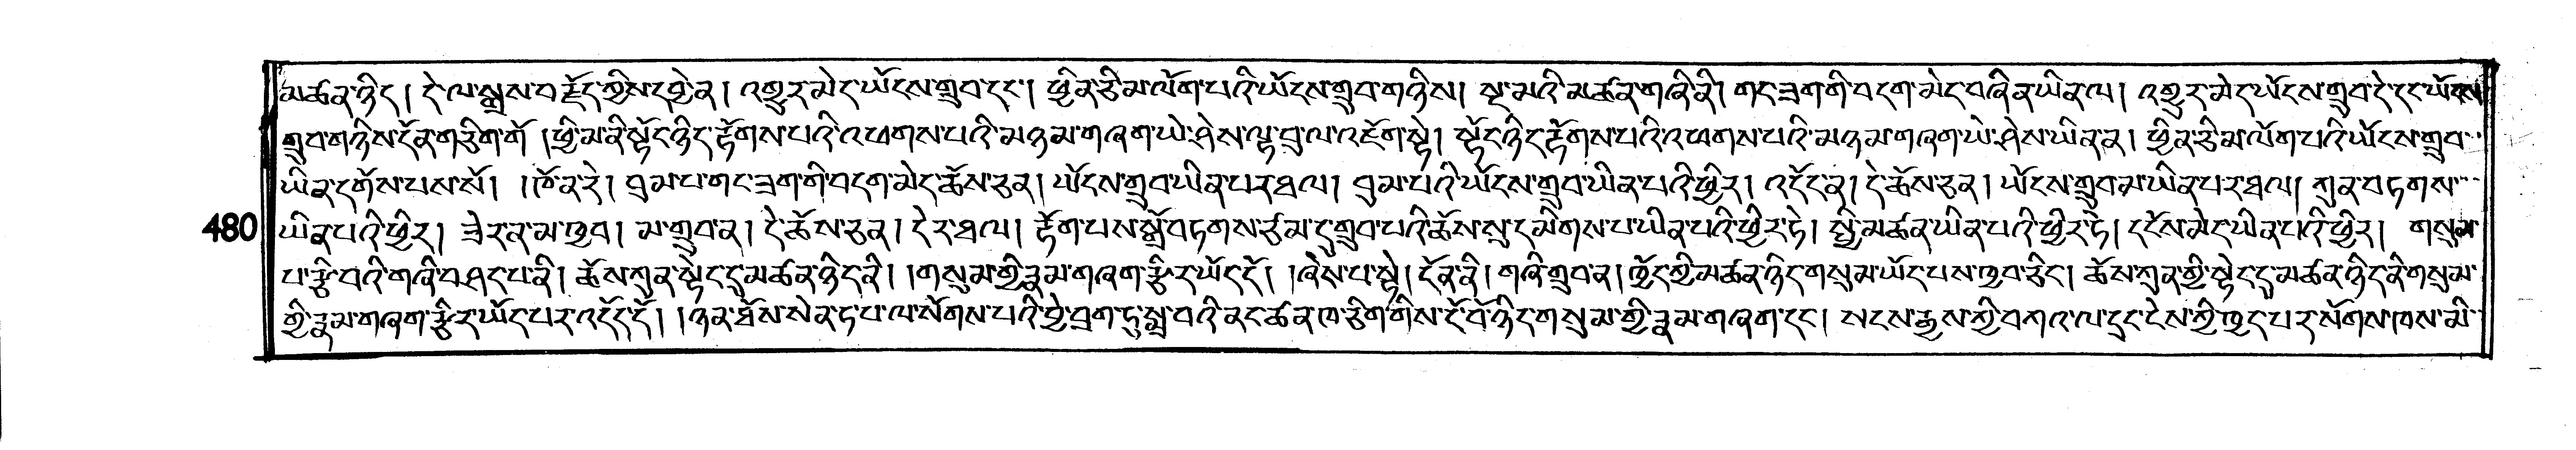མཚན་ཉིད། དེ་ལ་སྒྲས་བརྗོད་ཀྱིས་དབྱེ་ན། འགྱུར་མེད་ཡོངས་གྲུབ་དང་། ཕྱིན་ཅི་མ་ལོག་པའི་ཡོངས་གྲུབ་གཉིས། སྔ་མའི་མཚན་གཞི་ནི། གང་ཟག་གི་བདག་མེད་བཞིན་ཡིན་ལ། འགྱུར་མེད་ཡོངས་གྲུབ་དེ་དང་ཡོངས་
གྲུབ་གཉིས་དོན་གཅིག་གོ །ཕྱི་མ་ནི་སྟོང་ཉིད་རྟོགས་པའི་འཕགས་པའི་མཉམ་གཞག་ཡེ་ཤེས་ལྟ་བུ་ལ་འཇོག་སྟེ། སྟོང་ཉིད་རྟོགས་པའི་འཕགས་པའི་མཉམ་གཞག་ཡེ་ཤེས་ཡིན་ན། ཕྱིན་ཅི་མ་ལོག་པའི་ཡོངས་གྲུབ་
ཡིན་དགོས་པས་སོ། །ཁོ་ན་རེ། བུམ་པ་གང་ཟག་གི་བདག་མེད་ཆོས་ཅན། ཡོངས་གྲུབ་ཡིན་པར་ཐལ། བུམ་པའི་ཡོངས་གྲུབ་ཡིན་པའི་ཕྱིར། འདོད་ན། དེ་ཆོས་ཅན། ཡོངས་གྲུབ་མ་ཡིན་པར་ཐལ། ཀུན་བཏགས་
ཡིན་པའི་ཕྱིར། ཟེར་ན་མ་ཁྱབ། མ་གྲུབ་ན། དེ་ཆོས་ཅན། དེར་ཐལ། རྟོག་པས་སྒྲོ་བཏགས་ཙམ་དུ་གྲུབ་པའི་ཆོས་སུ་དམིགས་པ་ཡིན་པའི་ཕྱིར་ཏེ། སྤྱི་མཚན་ཡིན་པའི་ཕྱིར་ཏེ། དངོས་མེད་ཡིན་པའི་ཕྱིར། གསུམ་
པ་རྩི་བའི་གཞི་བཤད་པ་ནི། ཆོས་ཀུན་སྟེང་དུ་མཚན་ཉིད་ནི། །གསུམ་གྱི་རྣམ་གཞག་རྩིར་ཡོད་དོ། །ཞེས་པ་སྟེ། དོན་ནི། གཞི་གྲུབ་ན། ཁྱོད་ཀྱི་མཚན་ཉིད་གསུམ་ཡོད་པས་ཁྱབ་ཅིང་། ཆོས་ཀུན་གྱི་སྟེང་དུ་མཚན་ཉིད་ནི་གསུམ་
གྱི་རྣམ་གཞག་རྩིར་ཡོད་པར་འདོད་དོ། །ཉན་ཐོས་སེན་ཏ་པ་ལ་སོགས་པའི་བྱེ་བྲག་ཏུ་སྨྲ་བའི་ནང་ཚན་ཁ་ཅིག་གིས་ངོ་བོ་ཉིད་གསུམ་གྱི་རྣམ་གཞག་དང་། སངས་རྒྱས་ཀྱི་བཀའ་ལ་དྲང་ངེས་ཀྱི་ཁྱད་པར་སོགས་ཁས་མི་